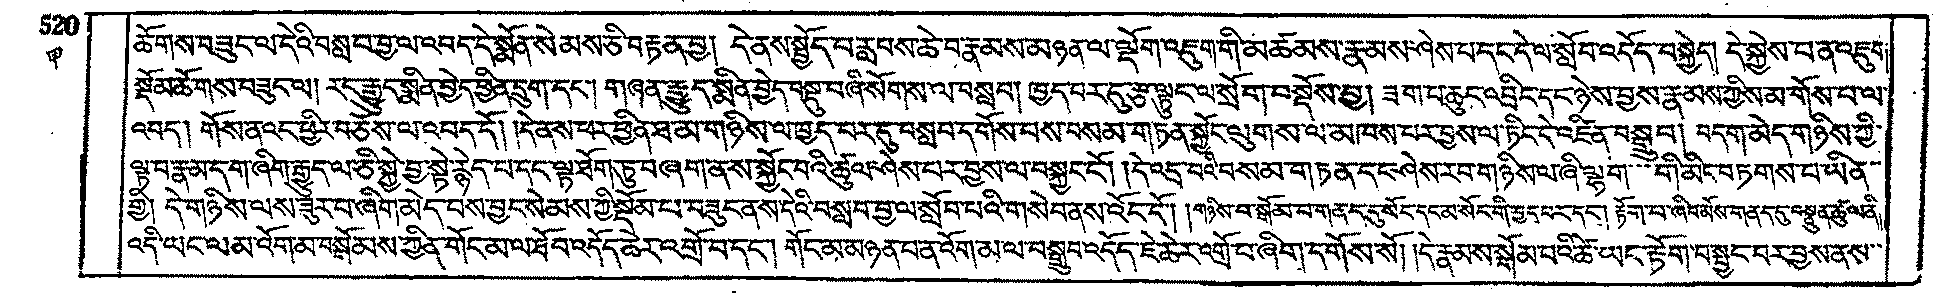ཆོ་གས་བཟུང་ལ་དེའི་བསླབ་བྱ་ལ་འབད་དེ་སྨོན་སེམས་ཅི་བརྟན་བྱ། དེ་ནས་སྤྱོད་པ་རླབས་ཆེ་བ་རྣམས་མཉན་ལ་ལྡོག་འཇུག་གི་མཚམས་རྣམས་ཤེས་པ་དང་དེ་ལ་སློབ་འདོད་བསྐྱེད། དེ་སྐྱེས་པ་ན་འཇུག་
སྡོམ་ཆོ་གས་བཟུང་ལ། རང་རྒྱུད་སྨིན་བྱེད་ཕྱིན་དྲུག་དང་། གཞན་རྒྱུད་སྨིན་བྱེད་བསྡུ་བཞི་སོགས་ལ་བསླབ། ཁྱད་པར་དུ་རྩ་ལྟུང་ལ་སྲོག་བསྡོས་བྱ། ཟག་པ་ཆུང་འབྲིང་དང་ཉེས་བྱས་རྣམས་ཀྱིས་མ་གོས་པ་ལ་
འབད། གོས་ནའང་ཕྱིར་བཅོས་ལ་འབད་དོ། །དེ་ནས་ཕར་ཕྱིན་ཐ་མ་གཉིས་ལ་ཁྱད་པར་དུ་བསླབ་དགོས་པས་བསམ་གཏན་སྐྱོང་ལུགས་ལ་མཁས་པར་བྱས་ལ་ཏིང་ངེ་འཛིན་བསྒྲུབ། བདག་མེད་གཉིས་ཀྱི་
ལྟ་བ་རྣམ་དག་ཞིག་རྒྱུད་ལ་ཅི་སྐྱེ་བྱ་སྟེ་རྙེད་པ་དང་ལྟ་ཐོག་ཏུ་བཞག་ནས་སྐྱོང་བའི་ཚུལ་ཤེས་པར་བྱས་ལ་བསྐྱང་ངོ། །དེ་འདྲ་བའི་བསམ་གཏན་དང་ཤེས་རབ་གཉིས་ལ་ཞི་ལྷགྒི་མིང་བཏགས་པ་ཡིན་
གྱི། དེ་གཉིས་ལས་ཟུར་པ་ཞིག་མེད་པས་བྱང་སེམས་ཀྱི་སྡོམ་པ་བཟུང་ནས་དེའི་བསླབ་བྱ་ལ་སློབ་པའི་གསེབ་ནས་འོང་ངོ། །གཉིས་པ་སྒོམ་པ་གནད་དུ་སོང་དང་མ་སོང་གི་ཁྱད་པར་དང་། རྟོག་པ་ཞིབ་མོས་གནད་དུ་བསྣུན་ཚུལ་ནི།
འདི་ཡང་ལམ་འོག་མ་བསྒོམས་ཀྱིན་གོང་མ་ལ་ཐོབ་འདོད་ཆེར་འགྲོ་བ་དང་། གོང་མ་མཉན་པ་ན་འོག་མ་ལ་བསྒྲུབ་འདོད་ཇེ་ཆེར་འགྲོ་བ་ཞིག་དགོས་སོ། །དེ་རྣམས་སྒོམ་པའི་ཚེ་ཡང་རྟོག་པ་སྤྱང་བར་བྱས་ནས་